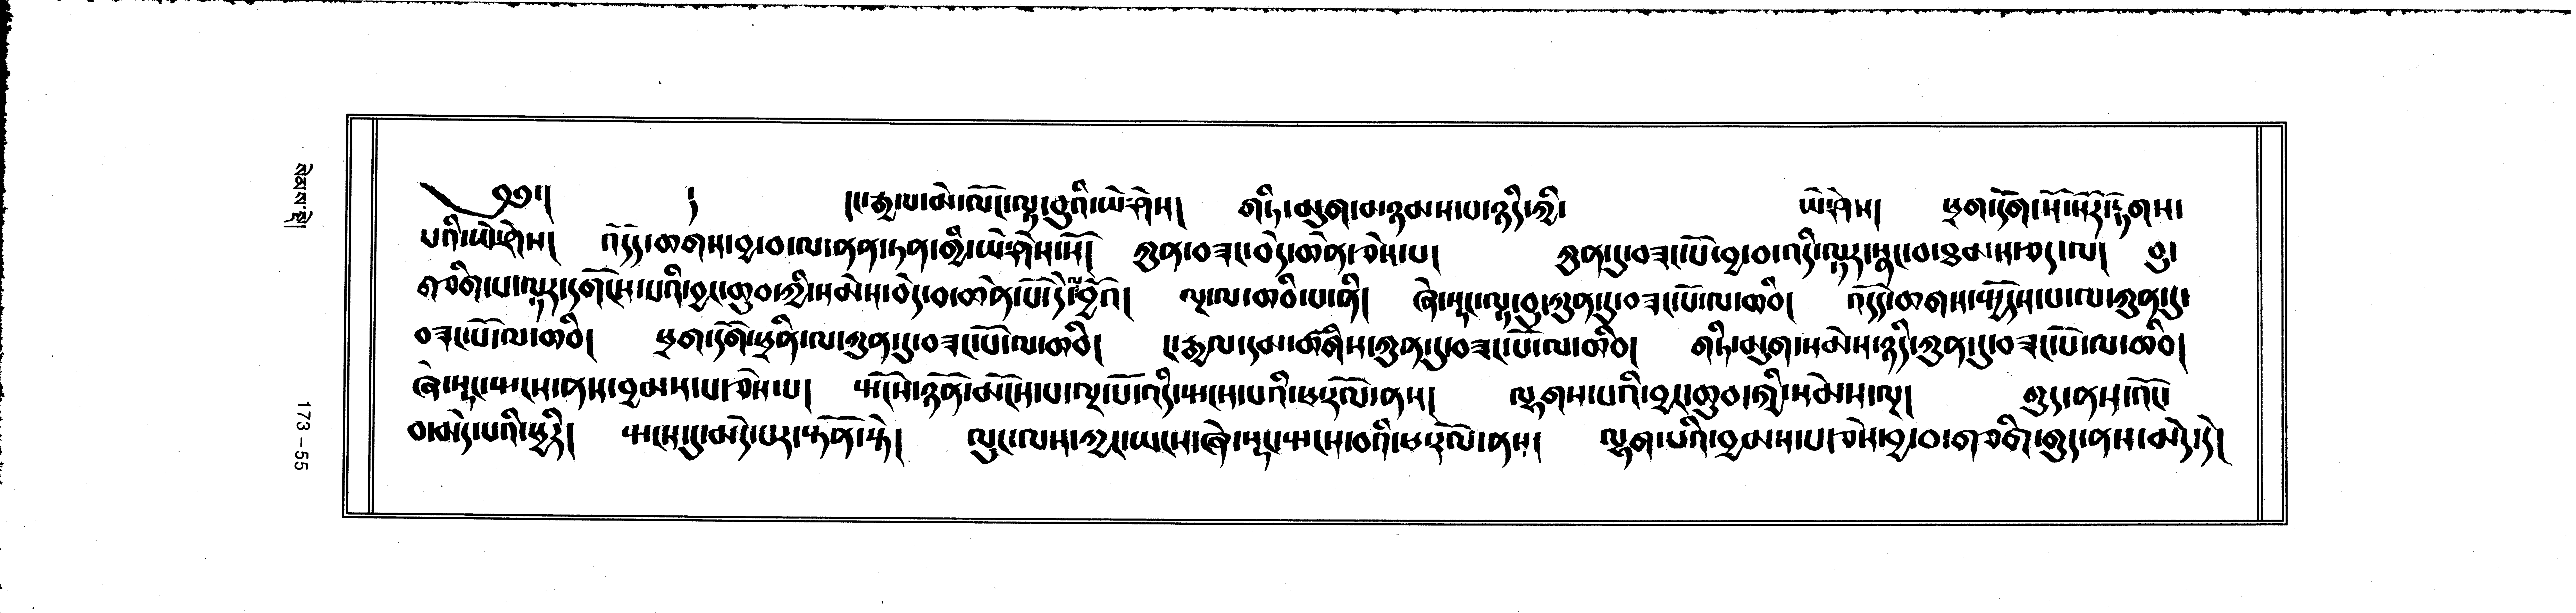ང་རྒྱལ་མེ་ལོང་ལྟ་བུའི་ཡེ་ཤེས། གཏི་མུག་མཉམ་པ་ཉིད་ཀྱི། ཡེ་ཤེས། ཕྲག་དོག་སོ་སོར་རྟོགས་
པའི་ཡེ་ཤེས། འདོད་ཆགས་བྱ་བ་ནན་ཏན་གྱི་ཡེ་ཤེས་སོ། །ཀུན་བཟང་བདེ་ཆེན་ཅེས་པ། ཀུན་ཏུ་བཟང་པོ་བྱ་བ་འདི་ལྟར་སྣང་བ་ཐམས་ཅད་ལ། བུ་
གཅིག་པ་ལྟར་དགོངས་པའི་བྱང་ཆུབ་ཀྱི་སེམས་བདེ་བ་ཆེན་པོ་དེ་བྱའོ། །ལྔ་ལ་ཆིབས་པ་ནི། ཞེ་སྡང་ལྟ་བུ་ཀུན་ཏུ་བཟང་པོ་ལ་ཆིབ། འདོད་ཆགས་སྤྱོད་པ་ལ་ཀུན་ཏུ་
བཟང་པོ་ལ་ཆིབ། ཕྲག་དོག་ཕྲིན་ལས་ལ་ཀུན་ཏུ་བཟང་པོ་ལ་ཆིབ། ང་རྒྱལ་དམ་ཚིག་ཀུན་ཏུ་བཟང་པོ་ལ་ཆིབ། གཏི་མུག་སེམས་ཉིད་ཀུན་ཏུ་བཟང་པོ་ལ་ཆིབ། 
ཞེ་སྡང་སྤངས་ནས་བྱམས་པ་ཅེས་པ། ཉོན་མོངས་པ་འདི་སྤངས་པའི་ཕ་རོལ་ནས། ལྷག་པའི་བྱང་ཆུབ་ཀྱི་སེམས་ལྔ། གུད་ནས་འོངས་
པ་མེད་པའི་ཕྱིར། སྤངས་དུ་མེད་པར་སྟོན་ཏེ། ལུང་ལས་ཀྱང་། ཞེ་སྡང་སྤངས་པའི་ཕ་རོལ་ན། ལྷག་པའི་བྱམས་པ་ཅེས་བྱ་བ་ཅིག་གུད་ནས་མེད་དེ།